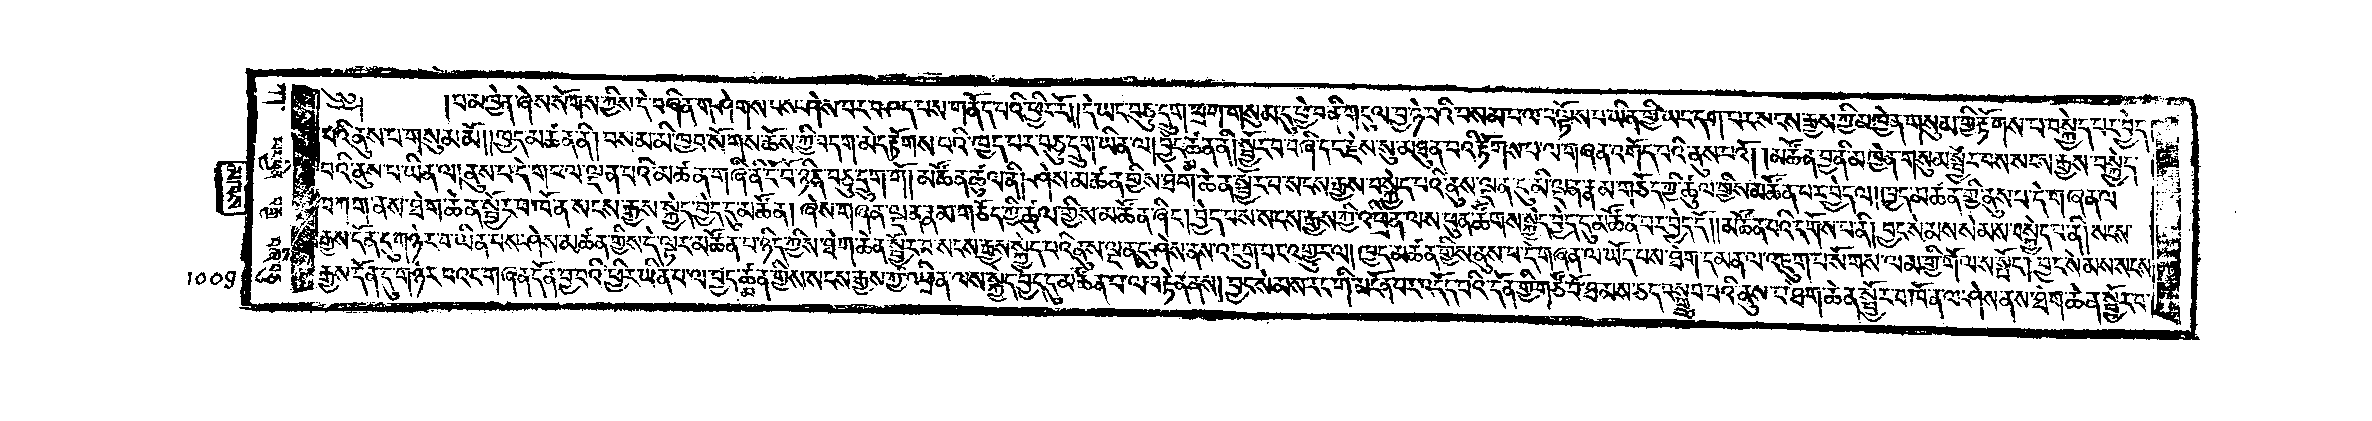༄༅། །པ་མཁྱེན་ཞེས་སོགས་ཀྱིས་དེ་བཞིན་གཤེགས་པས་ཤེས་པར་བཤད་པས་གནོད་པའི་ཕྱིར་རོ། །དེ་ཡང་བཅུ་དྲུག་ཕྲག་གསུམ་དུ་ཕྱེ་བ་ནི་གདུལ་བྱ་ཉེ་བའི་བསམ་པ་ལ་བལྟོས་པ་ཡིན་གྱི་ཡང་དག་པར་སངས་རྒྱས་ཀྱི་མཁྱེན་གསུམ་གྱི་རྟོགས་པ་བསྐྱེད་པར་བྱེད་
པའི་ནུས་པ་གསུམ་མོ། །ཁྱད་མཚན་ནི། བསམ་མི་ཁྱབ་སོགས་ཆོས་ཀྱི་བདག་མེད་རྟོགས་པའི་ཁྱད་པར་བཅུ་དྲུག་ཡིན་ལ། བྱེད་མཚན་ནི། སྦྱོར་བ་བཞི་དང་རྗེས་སུ་མཐུན་པའི་རྟོགས་པ་ལ་གཞན་འགོད་པའི་ནུས་པའོ། །མཚོན་བྱ་ནི་མཁྱེན་གསུམ་སྦྱོར་བས་སངས་རྒྱས་བསྐྱེད་
པའི་ནུས་པ་ཡིན་ལ། ནུས་པ་དེ་གང་ལ་ལྡན་པའི་མཚན་གཞི་ནི་ངོ་བོ་ཉིད་བཅུ་དྲུག་གོ། མཚོན་ཚུལ་ནི། ཤེས་མཚན་གྱིས་ཐེག་ཆེན་སྦྱོར་བ་སངས་རྒྱས་བསྐྱེད་པའི་ནུས་ལྡན་དུ་མི་ལྡན་རྣམ་གཅོད་ཀྱི་ཚུལ་གྱིས་མཚོན་པར་བྱེད་ལ། ཁྱད་མཚན་གྱི་ནུས་པ་དེ་གཞན་ལ་
བཀག་ནས་ཐེག་ཆེན་སྦྱོར་བ་ཁོ་ན་སངས་རྒྱས་སྐྱེད་བྱེད་དུ་མཚོན། ཞེས་གཞན་ལྡན་རྣམ་གཅོད་ཀྱི་ཚུལ་གྱིས་མཚོན་ཞིང་། བྱེད་པས་སངས་རྒྱས་ཀྱི་འཕྲིན་ལས་ཕུན་ཚོགས་སྐྱེད་བྱེད་དུ་མཚོན་པར་བྱེད་དོ། །མཚོན་པའི་དགོས་པ་ནི། བྱང་སེམས་སེམས་བསྐྱེད་པ་ནི། སངས་
རྒྱས་དོན་དུ་གཉེར་བ་ཡིན་པས་ཤེས་མཚན་གྱིས་དེ་ལྟར་མཚོན་པ་ཉིད་ཀྱིས་ཐེག་ཆེན་སྦྱོར་བ་སངས་རྒྱས་སྐྱེད་པའི་ནུས་ལྡན་དུ་ཤེས་ནས་འཇུག་པར་འགྱུར་ལ། ཁྱད་མཚན་གྱིས་ནུས་པ་དེ་གཞན་ལ་ཡོད་པས་ཐེག་དམན་ལ་འཇུག་པ་སོགས་ལམ་གྱི་གོལ་ས་སྤོང་། བྱང་སེམས་སངས་
རྒྱས་དོན་དུ་གཉེར་བའང་གཞན་དོན་བྱ་བའི་ཕྱིར་ཡིན་པ་ལ་བྱེད་མཚན་གྱིས་སངས་རྒྱས་ཀྱི་འཕྲིན་ལས་སྐྱེད་བྱེད་དུ་མཚོན་པ་ལ་བརྟེན་ནས། བྱང་སེམས་རང་གི་མངོན་པར་འདོད་པའི་དོན་གྱི་གཙོ་བོ་ཐམས་ཅད་བསྒྲུབ་པའི་ནུས་པ་ཐེག་ཆེན་སྦྱོར་བ་ཁོ་ན་ལ་ཤེས་ནས་ཐེག་ཆེན་སྦྱོར་བ་